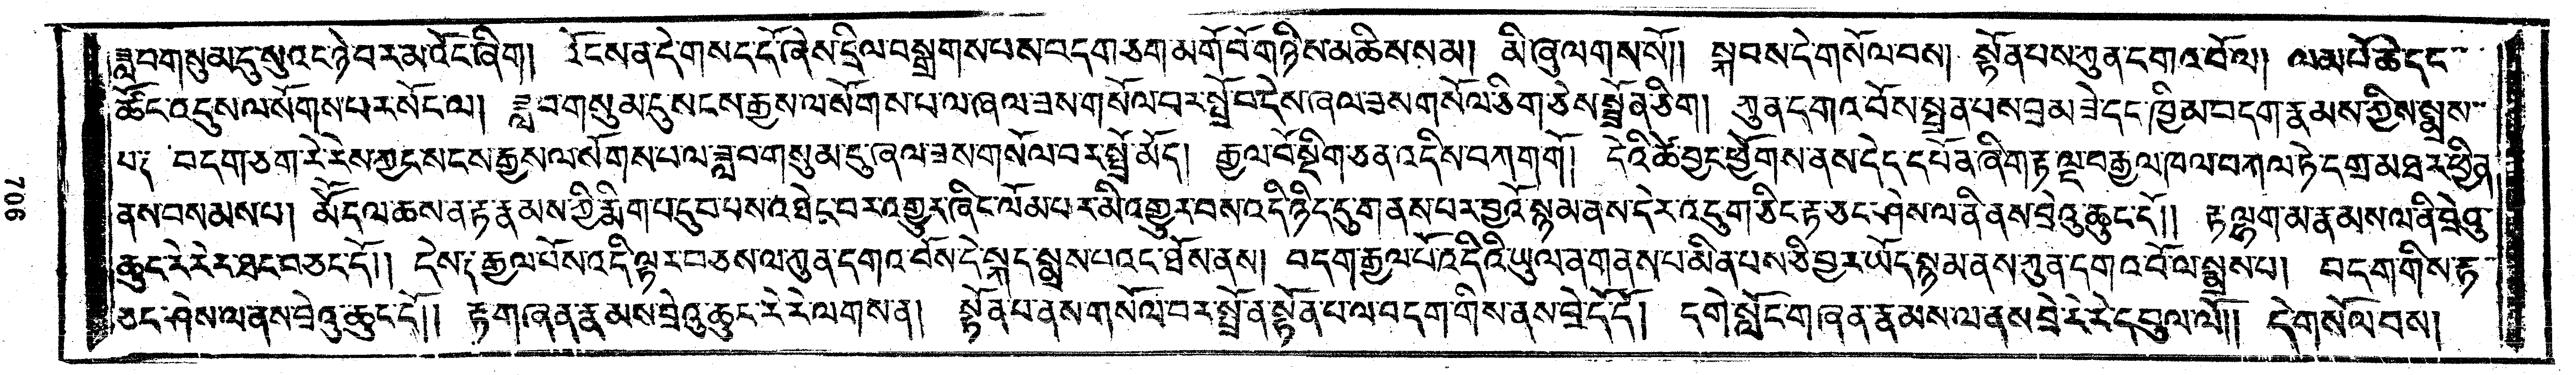ཟླ་བ་གསུམ་དུ་སུའང་ཉེ་བར་མ་འོང་ཞིག། འོངས་ན་དེ་གསད་དོ་ཞེས་དྲིལ་བསྒྲགས་པས་བདག་ཅག་མགོ་བོ་གཉིས་མཆིས་སམ། མི་ཞུ་ལགས་སོ།། སྐབས་དེ་གསོལ་བས། སྟོན་པས་ཀུན་དགའ་བོ་ལ། ལམ་པོ་ཆེ་དང་
ཚོང་འདུས་ལ་སོགས་པར་སོང་ལ། ཟླ་བ་གསུམ་དུ་སངས་རྒྱས་ལ་སོགས་པ་ལ་ཞལ་ཟས་གསོལ་བར་སྤྲོ་བ་དེས་ཞལ་ཟས་གསོལ་ཅིག་ཅེས་སྦྲོན་ཅིག། ཀུན་དགའ་བོས་སྤྲན་པས་བྲམ་ཟེ་དང་ཁྱིམ་བདག་རྣམས་ཀྱིས་སྨྲས་
པ༑ བདག་ཅག་རེ་རེས་ཀྱང་སངས་རྒྱས་ལ་སོགས་པ་ལ་ཟླ་བ་གསུམ་དུ་ཞལ་ཟས་གསོལ་བར་སྤྲོ་མོད། རྒྱལ་བོ་སྡིག་ཅན་འདིས་བཀག་གོ། དེའི་ཚེ་བྱང་ཕྱོགས་ནས་དེད་དཔོན་ཞིག་རྟ་ལྔ་བརྒྱལ་ཁལ་བཀལ་ཏེ་དགྲ་མཐར་ཕྱིན་
ནས་བསམས་པ། མཽད་ལ་ཆས་ནས་རྟ་རྣམས་ཀྱི་རྨིག་པ་དུབ་པས་འཐེང་བར་འགྱུར་ཞིང་ལོམ་པར་མི་འགྱུར་བས་འདི་ཉིད་དུ་གནས་པར་བྱའོ་སྙམ་ནས་དེར་འདུག་ཅིང་རྟ་ཅང་ཤེས་ལ་ནི་ནས་བྲེའུ་ཆུང་དོ།། རྟ་ལྷག་མ་རྣམས་ལ་ནི་བྲེའུ་
ཆུང་རེ་རེར་ཐང་བཅད་དོ།། དེས༑ རྒྱལ་པོས་འདི་ལྟར་བཅས་ལ་ཀུན་དགའ་བོས་དེ་སྐད་སྨྲས་པའང་ཐོས་ནས། བདག་རྒྱལ་པོ་འདིའི་ཡུལ་ན་གནས་པ་མིན་པས་ཅི་བྱར་ཡོད་སྙམ་ནས་ཀུན་དགའ་བོ་ལ་སྨྲས་པ། བདག་གིས་རྟ་
ཅང་ཤེས་ལ་ན་བྲེའི་ཆུང་ངོ།། རྟ་གཞན་རྣམས་བྲེའུ་ཆུང་རེ་རེ་ལགས་ན། སྟོན་པ་ནས་གསོལ་བར་སྤྲོ་ན་སྟོན་པ་ལ་བདག་གིས་ནས་བྲེ་དོ་དོ། དགེ་སློང་གཞན་རྣམས་ལ་ནས་བྲེ་རེ་རེ་དབུལ་ལོ།། དེ་གསོལ་བས།